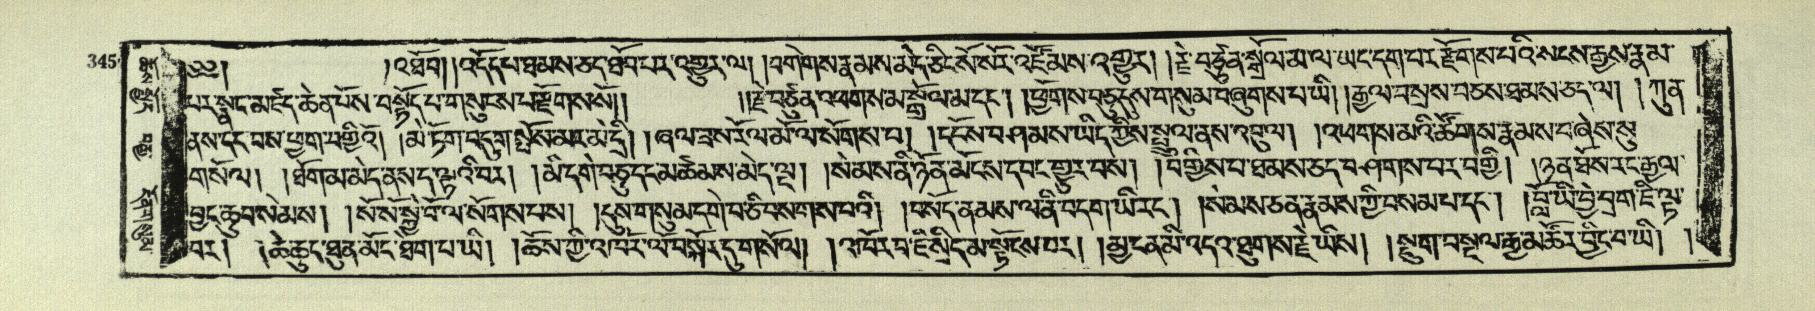༄༅། །འཐོབ། །འདོད་པ་ཐམས་ཅད་ཐོབ་པར་འགྱུར་ལ། །བགེགས་རྣམས་མེད་ཅིང་སོ་སོར་འཛོམས་འགྱུར། །རྗེ་བཙུན་སྒྲོལ་མ་ལ་ཡང་དག་པར་རྫོགས་པའི་སངས་རྒྱས་རྣམ་
པར་སྣང་མཛད་ཆེན་པོས་བསྟོད་པ་གསུངས་པ་རྫོགས་སོ།། །།རྗེ་བཙུན་འཕགས་མ་སྒྲོལ་མ་དང་། །ཕྱོགས་བཅུ་དུས་གསུམ་བཞུགས་པ་ཡི། །རྒྱལ་བ་སྲས་བཅས་ཐམས་ཅད་ལ། །ཀུན་
ནས་དང་བས་ཕྱག་བགྱིའོ། །མེ་ཏོག་བདུག་སྤོས་མར་མེ་དྲི། །ཞལ་ཟས་རོལ་མོ་ལ་སོགས་པ། །དངོས་བཤམས་ཡིད་ཀྱིས་སྤྲུལ་ནས་འབུལ། །འཕགས་མའི་ཚོགས་རྣམས་བཞེས་སུ་
གསོལ། །ཐོག་མ་མེད་ནས་ད་ལྟའི་བར། །མི་དགེ་བཅུ་དང་མཚམས་མེད་ལྔ། །སེམས་ནི་ཉོན་མོངས་དབང་གྱུར་བས། །བགྱིས་པ་ཐམས་ཅད་བཤགས་པར་བགྱི། །ཉན་ཐོས་རང་རྒྱལ་
བྱང་ཆུབ་སེམས། །སོ་སོ་སྐྱེ་བོ་ལ་སོགས་པས། །དུས་གསུམ་དགེ་བ་ཅི་བསགས་པའི། །བསོད་ནམས་ལ་ནི་བདག་ཡི་རང་། །སེམས་ཅན་རྣམས་ཀྱི་བསམ་པ་དང་། །བློ་ཡི་བྱེ་བྲག་ཇི་ལྟ་
བར། །ཆེ་ཆུང་ཐུན་མོང་ཐེག་པ་ཡི། །ཆོས་ཀྱི་འཁོར་ལོ་བསྐོར་དུ་གསོལ། །འཁོར་བ་ཇི་སྲིད་མ་སྟོངས་བར། །མྱ་ངན་མི་འདའ་ཐུགས་རྗེ་ཡིས། །སྡུག་བསྔལ་རྒྱ་མཚོར་བྱིང་བ་ཡི། །